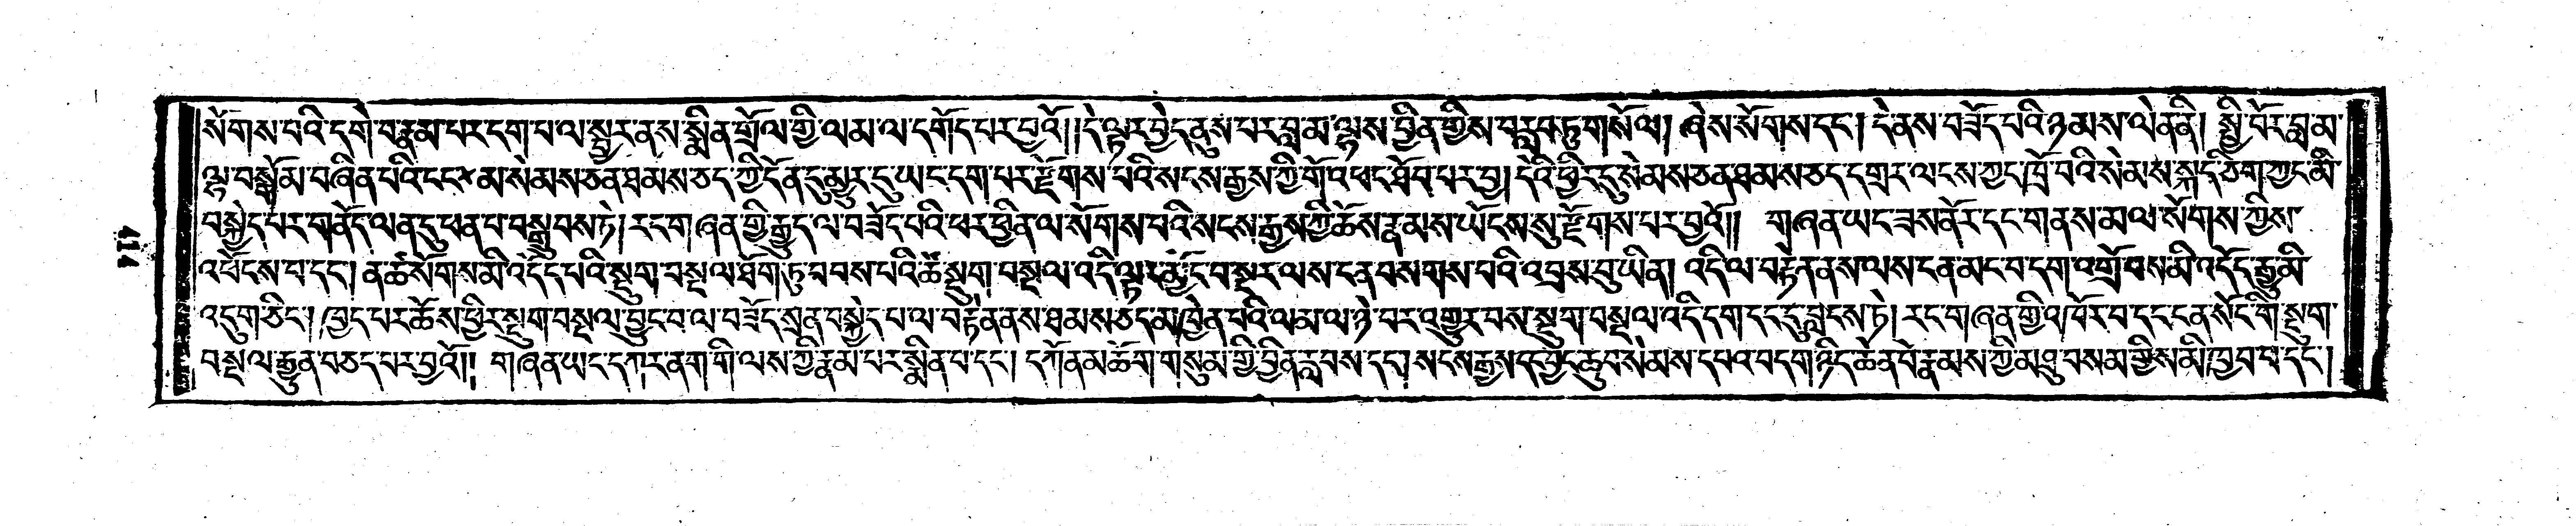སོགས་པའི་དགེ་བ་རྣམ་པར་དག་པ་ལ་སྦྱར་ནས་སྨིན་གྲོལ་གྱི་ལམ་ལ་དགོད་པར་བྱའོ། །དེ་ལྟར་བྱེད་ནུས་པར་བླ་མ་ལྷས་བྱིན་གྱིས་བརླབ་ཏུ་གསོལ། ཞེས་སོགས་དང་། དེ་ནས་བཟོད་པའི་ཉམས་ལེན་ནི། སྤྱི་བོར་བླ་མ་
ལྷ་བསྒོམ་བཞིན་པའི་ངང་྾་མ་སེམས་ཅན་ཐམས་ཅད་ཀྱི་དོན་དུ་མྱུར་དུ་ཡང་དག་པར་རྫོགས་པའི་སངས་རྒྱས་ཀྱི་གོ་འཕང་ཐོབ་པར་བྱ། དེའི་ཕྱིར་དུ་སེམས་ཅན་ཐམས་ཅད་དགྲར་ལངས་ཀྱང་ཁྲོ་བའི་སེམས་སྐད་ཅིག་ཀྱང་མི་
བསྐྱེད་པར་གནོད་ལན་དུ་ཕན་པ་བསྒྲུབས་ཏེ། རང་གཞན་གྱི་རྒྱུད་ལ་བཟོད་པའི་ཕར་ཕྱིན་ལ་སོགས་པའི་སངས་རྒྱས་ཀྱི་ཆོས་རྣམས་ཡོངས་སུ་རྫོགས་པར་བྱའོ། །གཞན་ཡང་ཟས་ནོར་དང་གནས་མལ་སོགས་ཀྱིས་
འཕོངས་པ་དང་། ན་ཚ་སོགས་མི་འདོད་པའི་སྡུག་བསྔལ་ཐོག་ཏུ་བབས་པའི་ཚེ་སྡུག་བསྔལ་འདི་ལྟར་མྱོང་བ་སྔར་ལས་ངན་བསགས་པའི་འབྲས་བུ་ཡིན། འདི་ལ་བརྟེན་ནས་ལས་ངན་མང་བ་དག་འགྲོ་བས་མི་འདོད་རྒྱུ་མི་
འདུག་ཅིང་། ཁྱད་པར་ཆོས་ཕྱིར་སྡུག་བསྔལ་བྱུང་བ་ལ་བཟོད་སྲན་བསྐྱེད་པ་ལ་བརྟེན་ནས་ཐམས་ཅད་མཁྱེན་པའི་ལམ་ལ་ཉེ་བར་འགྱུར་བས་སྡུག་བསྔལ་འདི་དག་དང་དུ་བླངས་ཏེ། རང་གཞན་གྱི་འཁོར་བ་དང་ངན་སོང་གི་སྡུག་
བསྔལ་རྒྱུན་བཅད་པར་བྱའོ། །གཞན་ཡང་དཀར་ནག་གི་ལས་ཀྱི་རྣམ་པར་སྨིན་པ་དང་། དཀོན་མཆོག་གསུམ་གྱི་བྱིན་རླབས་དང་། སངས་རྒྱས་དང་བྱང་ཆུབ་སེམས་དཔའ་བདག་ཉིད་ཆེན་པོ་རྣམས་ཀྱི་མཐུ་བསམ་གྱིས་མི་ཁྱབ་པ་དང་།